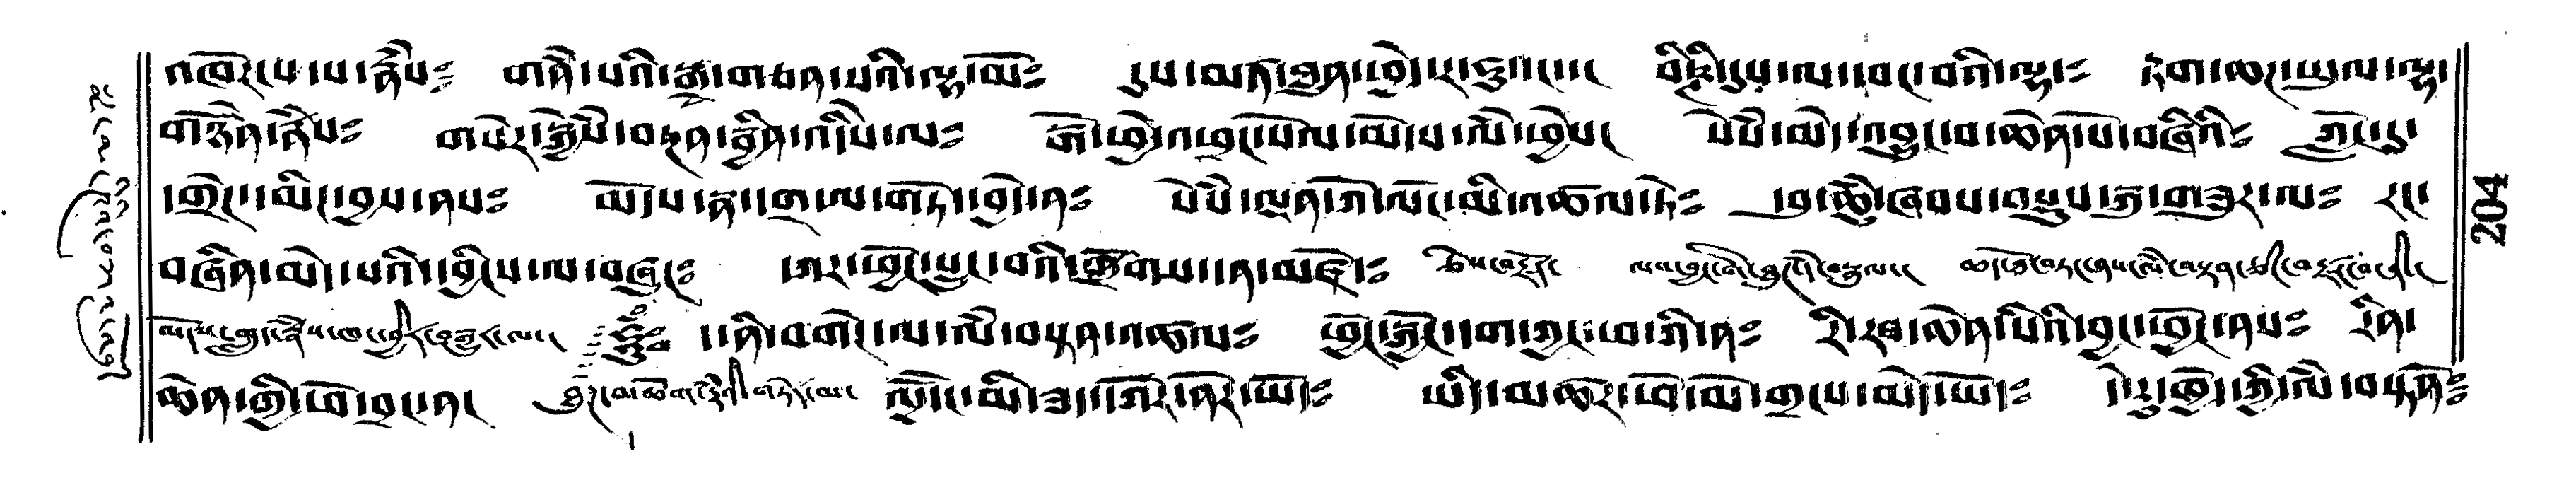འཁོར་དང་བཅས་པ་རྣམས། །གནམ་སའི་སྒྲ་གཅན་སའི་ལྷ་མོ། །དུས་མཚན་ཐུན་ཕྱེད་ར་ཧུ་དང་། །བིཥྚི་དུས་ལ་དབང་བའི་ལྷ། །རྟག་ཆགས་ཡུལ་ལྷ་
གཉེན་པོ་རྣམས། །གསེར་སྐྱེམས་རྔན་སྦྱིན་འདི་བཞེས་ལ། །སྒོ་ཕྱེས་འཕྲང་སོལ་མདོས་ལམ་ཕྱེས། །སེམས་མེད་འབྱུང་བ་ཆེན་པོ་བཞིའི། །ཀློང་དུ་
དགྲ་བགེགས་དམིགས་བྱས་ནས། །མདོས་སྣ་དགྲ་ལ་གཏོད་བྱེད་ན། །སེམས་ལྡན་ཀོ་ལོང་མི་འཚལ་ཏེ། །དབུ་ཆུམ་ཞབས་བསྡུས་སྐུ་གཟུར་ལ། །རང་
བཞིན་མེད་པའི་དབྱིངས་ལ་བཞུགས། །དཀར་ཕྱོགས་སྲུང་བའི་གྲོགས་དན་མཛོད། །ཅེས་རྗོད། ལས་བྱང་གི་ཐུགས་དམ་སྐུལ། ཆད་ཐོ་བཏང་ནས་ལམ་བསྟན་ཅིང་རྫོང་བ་ནི། 
མདོས་གླུད་རྣམས་ཁ་ཕྱིར་བསྒྱུར་ལ། ཧཱུྃ༔ ད་ནི་བགེགས་ལ་ལམ་བསྟན་འཚལ༔ ཕྱོགས་སྐྱོང་དག་ཀྱང་ཕ་ཀི་ན༔ རི་རབ་ཆན་པོའི་བྱང་ཕྱོགས་ན༔ རིན་
ཆེན་ཤེལ་གྱི་ཕོ་བྲང་ན༔ ལོངས་སྤྱོད་མི་ཟད་དཀོར་ནོར་ཡོད༔ ཡིད་མཚར་ཕོ་མོ་གྲངས་མེད་ཡོད༔ དེ་རུ་ཁྱོད་ཀྱི་ལམ་བསྟན་འཚལ༔